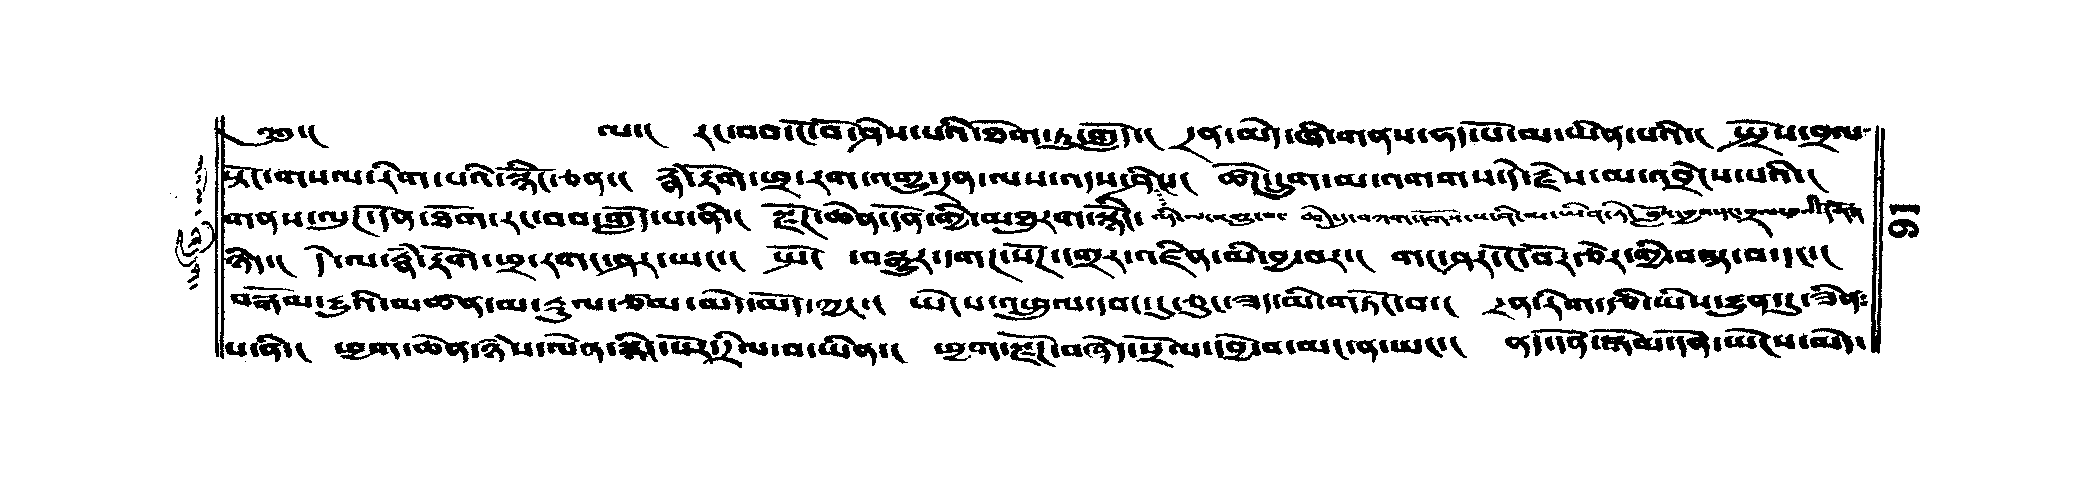ལ། །རང་བབས་ངོ་བོ་ཤེས་པའི་ཐོག་ཏུ་གློད། །དྲན་མེད་ཞི་གནས་ཧད་པོ་མ་ཡིན་པའི། །སྤྲོས་བྲལ་
སྟོང་གསལ་རིག་པའི་སྙིང་པོ་ཅན། །རྣམ་རྟོག་ཕྲ་རགས་འགྱུ་དྲན་ལས་འདས་ཤིང་།{ ཚོགས་དྲུག་མ་དགག་པ་དེ་རྗེས་ལ་འབྲེངས་པའི། 
གནས་ལུགས་དོན་ཐོག་རང་བབས་གློད་པ་ནི། །རྫོགས་ཆེན་དོན་གྱི་མཐར་ཐུག་སྙིང་རྗེ་ཉིད། །
དེ་ལ་རྣམ་རྟོག་ཕྲ་རག་གང་ཤར་ཡང་། །སྤོང་བསྒྱུར་དགག་སོགས་དགྲར་འཛིན་མི་བྱ་བར། །གང་ཤར་ངོ་བོར་ཅེར་གྱི་བལྟ་བ་དང་། །
བསྒོམ་རྒྱུའི་མཚན་མ་རྡུལ་ཙམ་མེད་མོད་ཀྱང་། །ཡེངས་འཁྲུལ་དབང་དུ་ཅུང་ཟད་མི་གཏོང་བ། །དྲན་རིག་རྩི་ཡིས་རྒྱུན་དུ་ཟིན་
པ་ནི། །ཕྱག་ཆེན་ཉམས་ལེན་སྙིང་པོར་དྲིལ་བ་ཡིན། །ཕྱག་རྫོགས་བཞེད་སྲོལ་དབྱེ་བ་མང་ན་ཡང་། ནང་དོན་སྒོམ་དོན་ཡེངས་མེད་